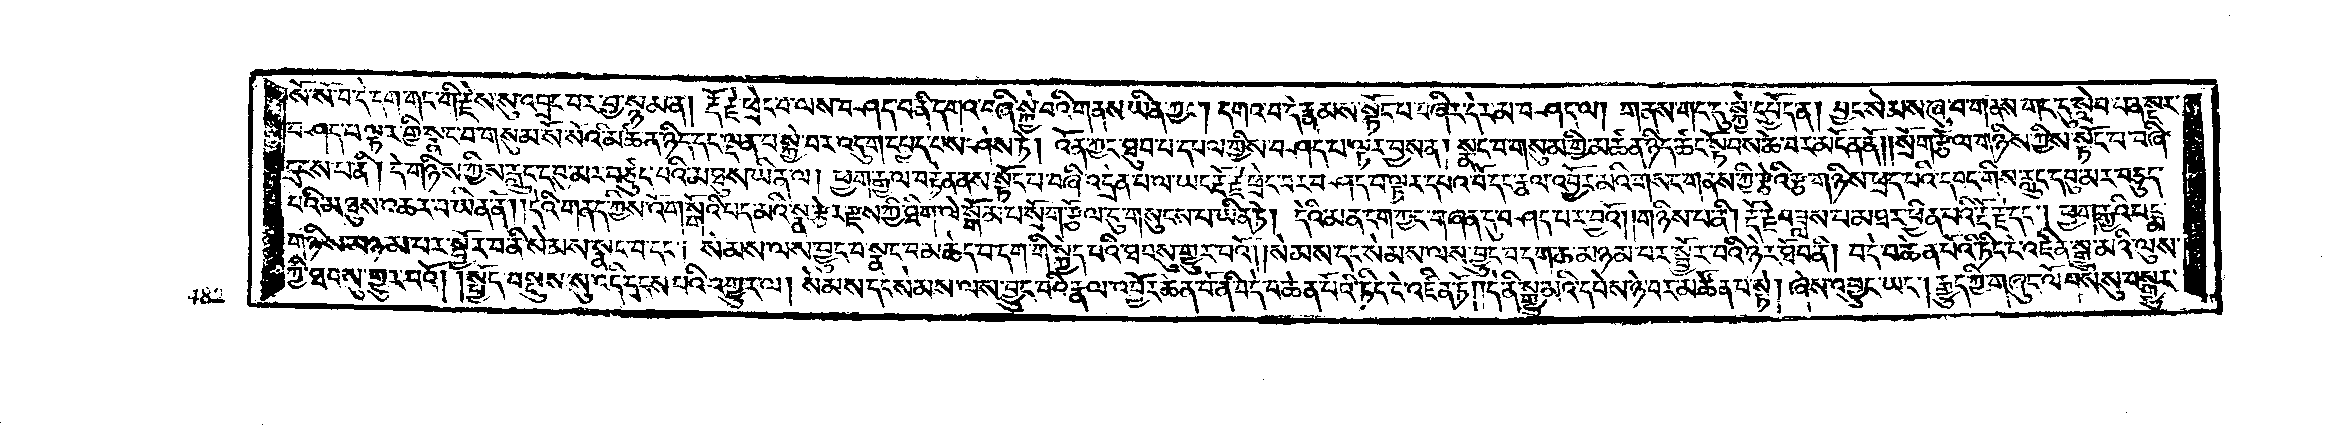སོ་སོ་བ་དེ་དག་གང་གི་རྗེས་སུ་འབྲང་བར་བྱ་སྙམ་ན། རྡོ་རྗེ་ཕྲེང་བ་ལས་བཤད་པ་ནི་དགའ་བཞི་སྐྱེ་བའི་གནས་ཡིན་ཀྱང་། དགའ་བ་དེ་རྣམས་སྟོང་པ་བཞིར་དེར་མ་བཤད་ལ། གནས་གང་དུ་སྐྱེ་དཔྱོད་ན། བྱང་སེམས་ཞུ་བ་གནས་གང་དུ་སླེབ་པ་ན་སྔར་
བཤད་པ་ལྟར་གྱི་སྣང་བ་གསུམ་སོ་སོའི་མཚན་ཉིད་དང་ལྡན་པ་སྐྱེ་བར་འདུག་དཔྱད་པས་ཤེས་ཏེ། འོན་ཀྱང་ཐུབ་པ་དཔལ་གྱིས་བཤད་པ་ལྟར་བྱས་ན། སྣང་བ་གསུམ་གྱི་མཚན་ཉིད་ཚང་སྟོབས་ཆེ་བར་མངོན་ནོ། །སྲོག་རྩོལ་གཉིས་ཀྱིས་སྟོང་པ་བཞི་
དྲངས་པ་ནི། དེ་གཉིས་ཀྱིས་རླུང་དབུ་མར་བཙུད་པའི་མཐུས་ཡིན་ལ། ཕྱག་རྒྱ་ལ་བརྟེན་ནས་སྟོང་པ་བཞི་འདྲེན་པ་ལ་ཡང་རྡོ་རྗེ་ཕྲེང་བར་བཤད་པ་ལྟར་དཔའ་བོ་དང་རྣལ་འབྱོར་མའི་གསང་གནས་ཀྱི་རྩེའི་རྩ་གཉིས་ཕྲད་པའི་དབང་གིས་རླུང་དབུ་མར་བཅུད་
པའི་མཐུས་འཆར་བ་ཡིན་ནོ། །དེའི་གནད་ཀྱིས་འོག་སྒོའི་པད་མའི་སྣ་རྩེར་རྫས་ཀྱི་ཐིག་ལེ་སྒོམ་པ་སྲོག་རྩོལ་དུ་གསུངས་པ་ཡིན་ཏེ། དེའི་མན་ངག་ཀྱང་གཞན་དུ་བཤད་པར་བྱའོ། །གཉིས་པ་ནི། རྡོ་རྗེ་བཟླས་པ་མཐར་ཕྱིན་པའི་རྡོ་རྗེ་དང་། ཕྱག་རྒྱའི་པདམ་
གཉིས་མཉམ་པར་སྦྱོར་བ་ནི་སེམས་སྣང་བ་དང་། སེམས་ལས་བྱུང་བ་སྣང་བ་མཆེད་པ་དག་གི་སྐྱེད་པའི་ཐབས་སུ་གྱུར་བའོ། །སེམས་དང་སེམས་ལས་བྱུང་བ་དག་ཆ་མཉམ་པར་སྦྱོར་བའི་ཉེར་ཐོབ་ནི། བདེ་བ་ཆེན་པོའི་ཏིང་ངེ་འཛིན་སྒྱུ་མའི་ལུས་
ཀྱི་ཐབས་སུ་གྱུར་པའོ། །སྤྱོད་བསྡུས་སུ་འདི་དྲངས་པའི་འགྱུར་ལ། སེམས་དང་སེམས་ལས་བྱུང་བའི་རྣལ་འབྱོར་ཆེན་པོ་ནི་བདེ་བ་ཆེན་པོའི་ཏིང་ངེ་འཛིན་ཏོ། །དེ་ནི་སྒྱུ་མའི་དཔེས་ཉེ་བར་མཚོན་པ་སྟེ། ཞེས་འབྱུང་ཡང་། རྒྱུད་ཀྱི་གཞུང་ལོགས་སུ་བསྒྱུར་